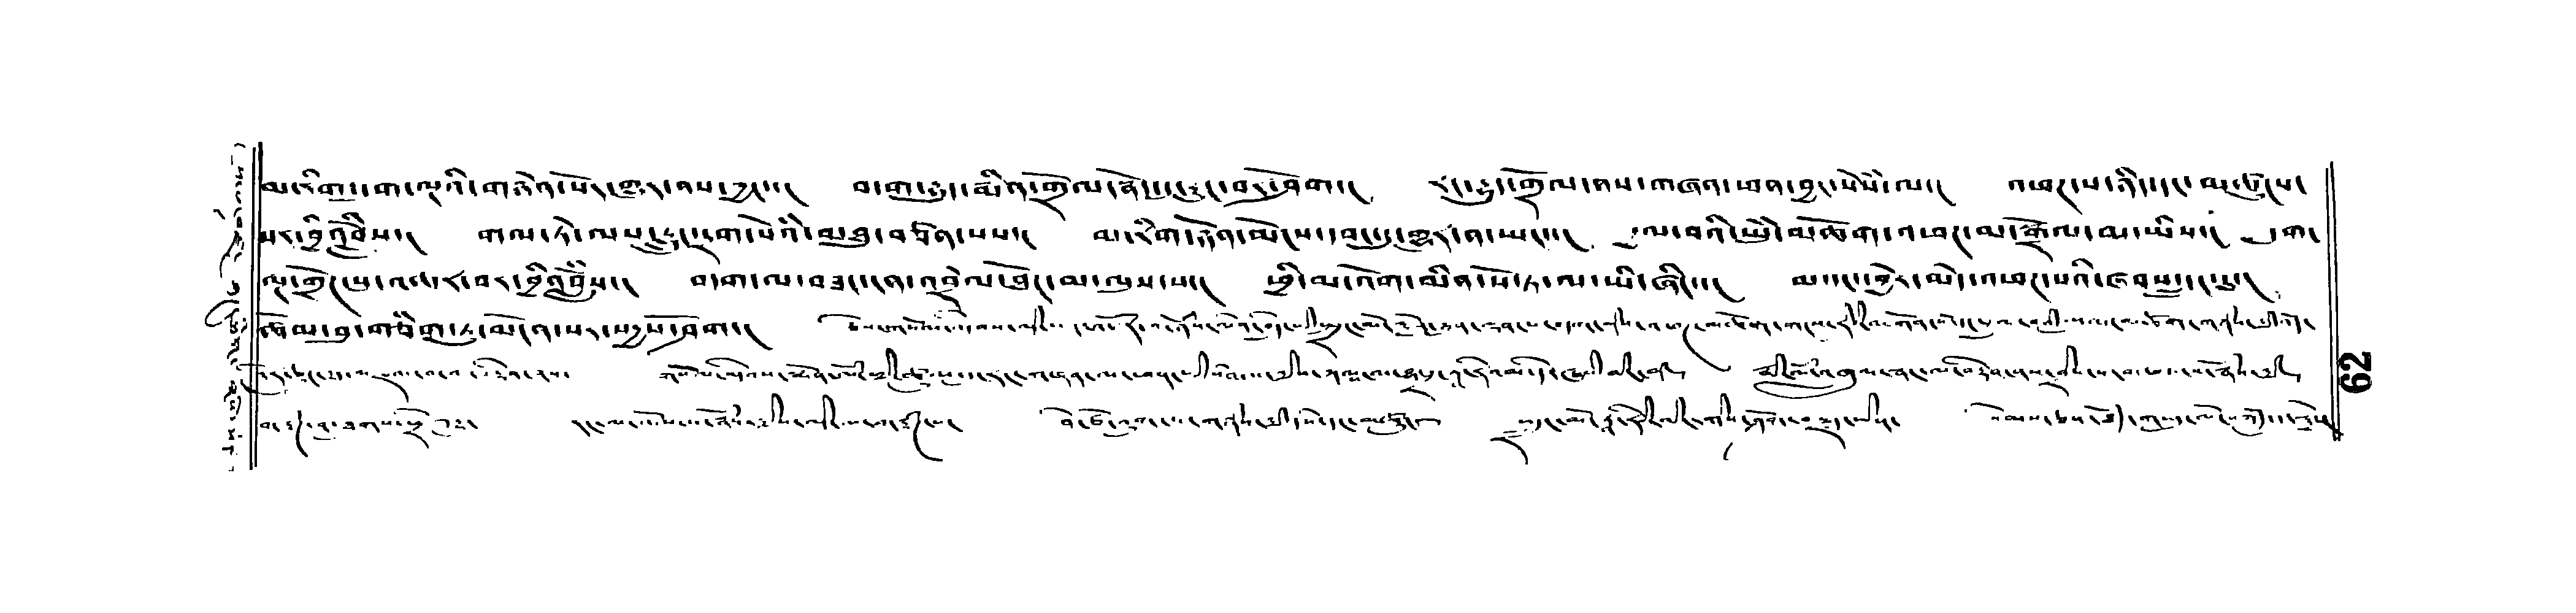།མ་རིག་དུག་ལྔའི་གཉེན་པོར་གྱུར་ནས་ཀྱང་། །བདག་རྒྱུད་སྨིན་གྲོལ་སྣོད་དུ་རུང་བར་ཤོག །རང་རྒྱུད་གྲོལ་ནས་གཞན་ཕན་བྱང་སེམས་ལ། །འཕགས་པ་ཉིད་དང་མཚུངས་
པར་བྱིན་གྱིས་རློབས། །གལ་ཏེ་ལས་རླུང་དྲག་པོའི་མཐུ་བཙན་པས། །མ་རིག་ཉོན་མོངས་དབང་དུ་གྱུར་ན་ཡང་། །རྒྱལ་བའི་ཡུམ་མཆོག་འཕགས་མ་སྒྲོལ་མ་ཡིས། །དུག་
ལྔ་གྲོགས་སུ་འཆར་བར་བྱིན་གྱིས་རློབས། །བདག་ལ་བཟང་ངན་འབྲེལ་ཐོགས་མ་ལུས་པ། །ཕྱི་མ་འོག་མིན་པོ་ཏ་ལ་ཡི་ཞིང་། །མ་དང་དབྱེར་མེད་འཕགས་པའི་ཞབས་དྲུང་དུ། །
ཚོམ་བུ་གཅིག་ཏུ་མངོན་པར་སངས་རྒྱས་ཤོག ཅེས་གསོལ་འདེབས་འདི་ཡང་འཁོར་བ་ཉམས་ལེན་བྱེད་པའི་སྤྲང་མོ་སྐྱོན་ཀུན་ལྡན་པ་བདག་གིས་འཕགས་མཆོག་གངས་རིའི་མགོན་པོ་དང་རྒྱལ་བའི་ཡུལ་མཆོག་གཉིས་ཀྱི་འོད་
ཟེར་ཅུང་ཟད་མཇལ་བ་ལ་བརྟེན་ནས། གསོལ་འདེབས་སྨོན་ལམ་གྱི་ཚུལ་དུ་རང་གཞན་ལ་ཕན་པའི་སེམས་ཀྱིས་ཀལྤ་ལ་བྷ་དྲ་ཏཱ་རེའམ་དེ་ཝའི་མིང་གིས། རྨི་ལམ་འཁྲུལ་སྣང་ལ་བརྟེན་ནས་བྲིས་པ་སྟེ། མཁས་པ་རྣམས་ཀྱིས་
གཟིགས་ན་ཐུགས་ཁྲེལ་རྒྱུ། །རང་ལ་མོས་པ་རྣམས་ཀྱིས་འདི་ལ་གཟིགས། །ནེ་ཙོ་འུག་པ་གཉིས་ཀྱི་དཔེ་དང་མཚུངས། །སྤྲང་མོ་ཏཱ་རེའི་མིང་གིས་ཤོག་བརྫད་ཡིན། །སེམས་ཅན་ཐམས་ཅད་གཡུ་ལོ་བཀོད་དུ་སྐྱེས།